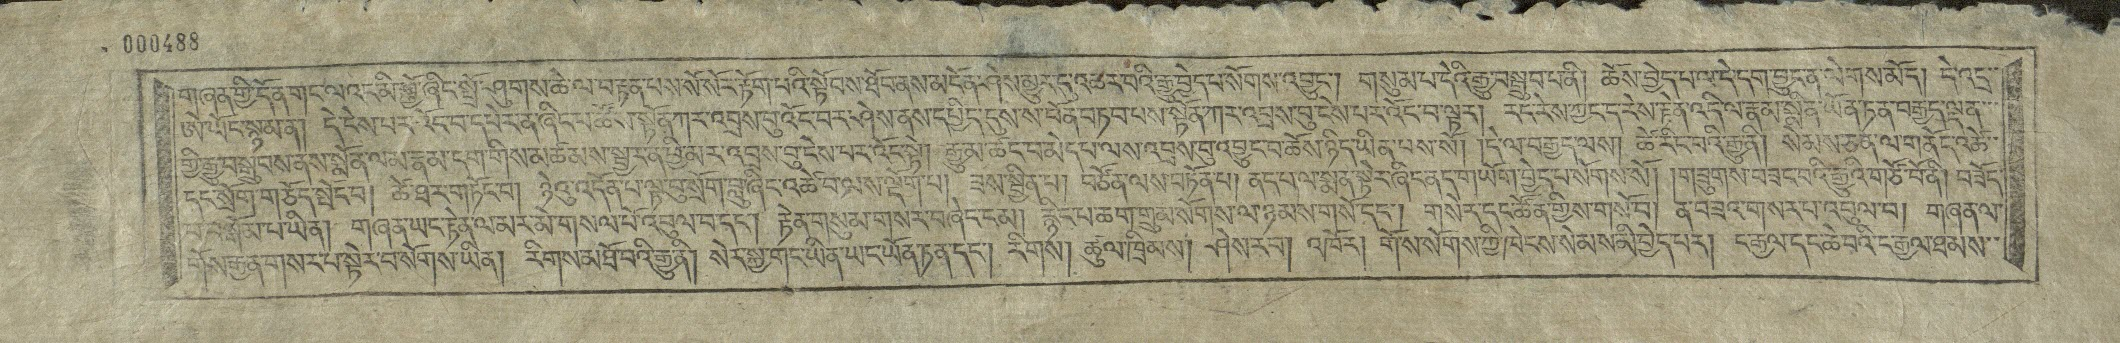གཞན་གྱི་དོན་གང་ལའང་མི་སྐྱོ་ཞིང་སྤྲོ་ཤུགས་ཆེ་ལ་བརྟན་པས་སོ་སོར་རྟོག་པའི་སྟོབས་ཐོབ་ནས་མངོན་ཤེས་མྱུར་དུ་འཆར་བའི་རྒྱུ་བྱེད་པ་སོགས་འབྱུང་། གསུམ་པ་དེའི་རྒྱུ་བསྒྲུབ་པ་ནི། ཆོས་བྱེད་པ་ལ་དེ་དག་བྱུང་ན་ལེགས་མོད། དེ་འདྲ་
ཨེ་ཡོང་སྙམ་ན། དེ་ངེས་པར་འོང་བ་དཔེར་ན་ཞིང་པ་ཚོས་སྟོན་ཀར་འབྲས་བུ་འོང་བར་ཤེས་ནས་དཔྱིད་དུས་ས་བོན་བཏབ་པས་སྟོན་ཀར་འབྲས་བུ་ངེས་པར་འོང་བ་ལྟར། རང་རེས་ཀྱང་ད་རེས་རྟེན་འདི་ལ་རྣམ་སྨིན་ཡོན་ཏན་བརྒྱད་ལྡན་
གྱི་རྒྱུ་བསྒྲུབས་ནས་སྨོན་ལམ་རྣམ་དག་གིས་མཚམས་སྦྱར་ན་ཕྱི་མར་འབྲས་བུ་ངེས་པར་འོང་སྟེ། རྒྱུ་མ་ཚང་བ་མེད་པ་ལས་འབྲས་བུ་འབྱུང་བ་ཆོས་ཉིད་ཡིན་པས་སོ། །དེ་ལ་བརྒྱད་ལས། ཚེ་རིང་བའི་རྒྱུ་ནི། སེམས་ཅན་ལ་གནོད་འཚེ་
དང་སྲོག་གཅོད་སྤོང་བ། ཚེ་ཐར་གཏོང་བ། ཉེའུ་འདོན་པ་ལྟ་བུ་སྲོག་བླུ་ཞིང་འཚེ་བ་ལས་ལྡོག་པ། ཟས་སྦྱིན་པ། བཙོན་ལས་བཏོན་པ། ནད་པ་ལ་སྨན་སྟེར་ཞིང་ནད་གཡོག་བྱེད་པ་སོགས་སོ། །གཟུགས་བཟང་བའི་རྒྱུའི་གཙོ་བོ་ནི། བཟོད་
པ་བསྒོམ་པ་ཡིན། གཞན་ཡང་རྟེན་ལ་མར་མེ་གསལ་པོ་འབུལ་བ་དང་། རྟེན་གསུམ་གསར་བཞེང་ངམ། རྙིང་པ་ཆག་གྲུམ་སོགས་ལ་ཉམས་གསོ་དང་། གསེར་དང་ཚོན་གྱིས་གསོ་བ། ན་བཟའ་གསར་པ་འབུལ་བ། གཞན་ལ་
གོས་རྒྱན་གསར་པ་སྟེར་བ་སོགས་ཡིན། རིགས་མཐོ་བའི་རྒྱུ་ནི། སེར་སྐྱ་གང་ཡིན་ཡང་ཡོན་ཏན་དང་། རིགས། ཚུལ་ཁྲིམས། ཤེས་རབ། འཁོར། གོ་ས་སོགས་ཀྱི་ཁེངས་སེམས་མི་བྱེད་པར། ང་རྒྱལ་དང་ཆེ་བའི་ང་རྒྱལ་ཐམས་